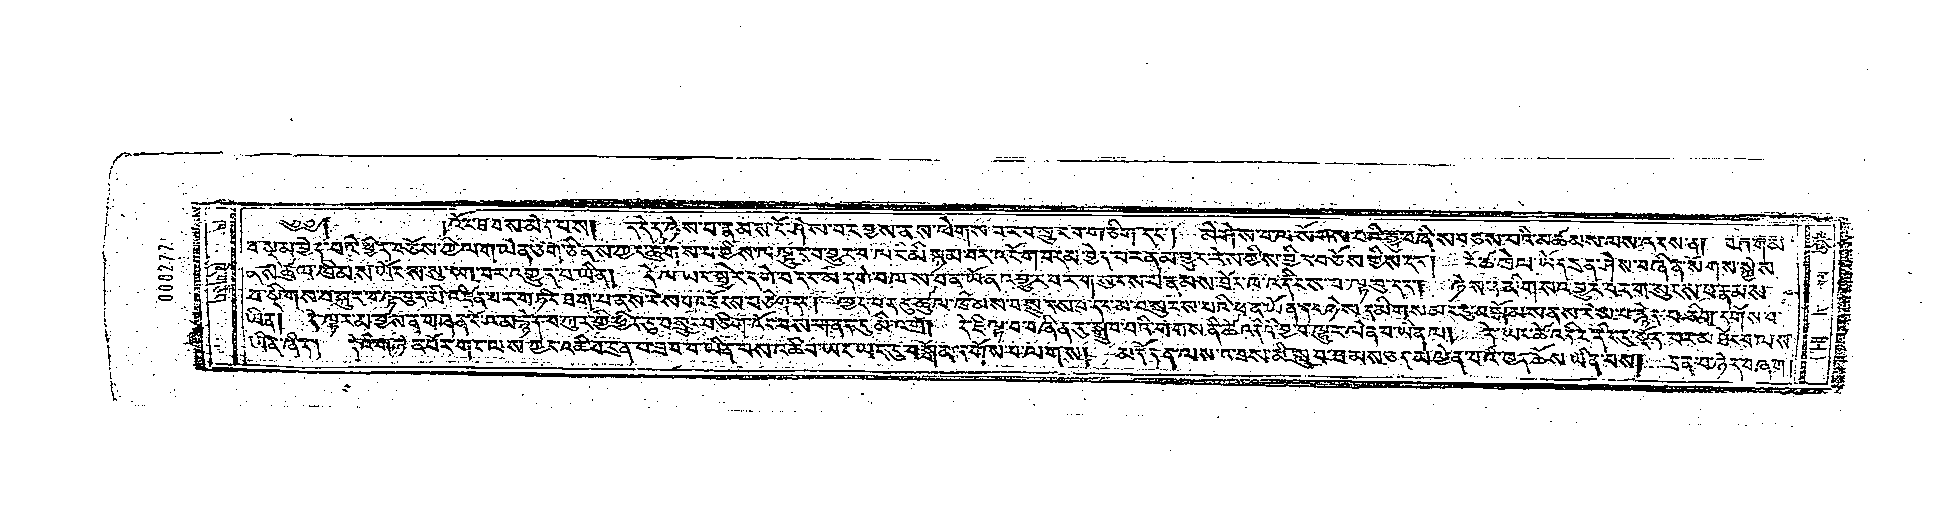༄༅། །འོང་ཐབས་མེད་པས། ད་དེར་ཉེས་པ་རྣམས་ངོ་ཤེས་བར་བྱས་ནས་ལེགས་པར་བསྲུང་བ་གཅིག་དང་། མི་ཤེས་པ་ལ་སོགས་པའི་རྒྱུ་བཞིས་བཅས་པའི་མཚམས་ལས་འདས་ན། བཤགས་
བསྡམ་བྱེད་པའི་ཕྱིར་བཅོས་ཀྱི་ལག་ལེན་ཅིག་ཅི་ནས་ཀྱང་ཚུགས་པ་ཀྱིས་ལ་ལྟུང་བ་བྱུང་བ་ལ་དི་མི་སྙམ་བར་འདོག་བར་མ་བྱེད་པར་ནམ་བྱུང་རེས་ཀྱིས་བྱིང་བཅོས་ཀྱིས་དང་། ངོ་ཚ་ཁྲེལ་ཡོད་དྲན་ཤེས་བཞིན་སོགས་སྐྱེས་
ནས་ཚུལ་ཁྲིམས་ཡོངྶྶུ་དག་པར་གྱུར་བ་ཡིན། དེ་ལ་ཡང་སྦྱར་དགེ་བ་དང་མི་དགེ་བ་ལ་ས་བོན་ཡོན་འབྱུང་བར་གསུངས་པ་རྣམས་ཟོང་ཁ་འདིངས་པ་ལྟ་བུ་དང་། ཉེས་དམིགས་འབྱུང་བར་གསུངས་པ་རྣམས་
པ་སྡིགས་བསྐུར་བ་ལྟ་བུར་མི་འཛིན་པར་གཏིང་ཐག་པ་ནས་ངེས་པ་འདྲོངས་པ་ཅིག་དང་། ཁྱད་པར་དུ་ཚུལ་ཁྲིམས་བསྲུངས་བ་དང་མ་བསྲུངས་པའི་ཕན་ཡོན་དང་ཉེས་དམིགས་མང་དུ་བསྒོམས་ནས་ངེས་བརྙེད་བ་ཅིག་དགོས་པ་
ཡིན། དེ་ལྟར་མ་བྱས་ན་གཞན་ངོ་འམ་རྙེད་བཀུར་གྱི་ཕྱིར་དུ་བསྲུང་བ་ཅིག་འོང་བས་གནང་དུ་མི་འགྲོ། དེ་ཇི་ལྟ་བ་བཞིན་དུ་སྒྲུབ་པའི་གེགས་ནི་ཚེ་འདིའི་བྱ་བ་ལྷུར་ལེན་པ་ཡིན་ལ། དེ་ཡང་ཚེ་འདིར་རིང་དུ་སྡོད་པར་མཐོང་བ་ལས་
ཡིན་ཞིང་། དེའི་གཉེན་པོར་གང་ལས་ཀྱང་འཆི་བ་དྲན་བ་ཟབ་པ་ཡིན་པས་འཆི་བ་ཡང་ཡང་དུ་བསྒོམ་དགོས་པ་ལགས། མདོར་ན་ལས་འབྲས་མི་སླུ་བ་ཐམས་ཅད་མཁྱེན་པའི་ཁྱད་ཆོས་ཡིན་པས། དྲན་པ་ཉེར་བཞག།